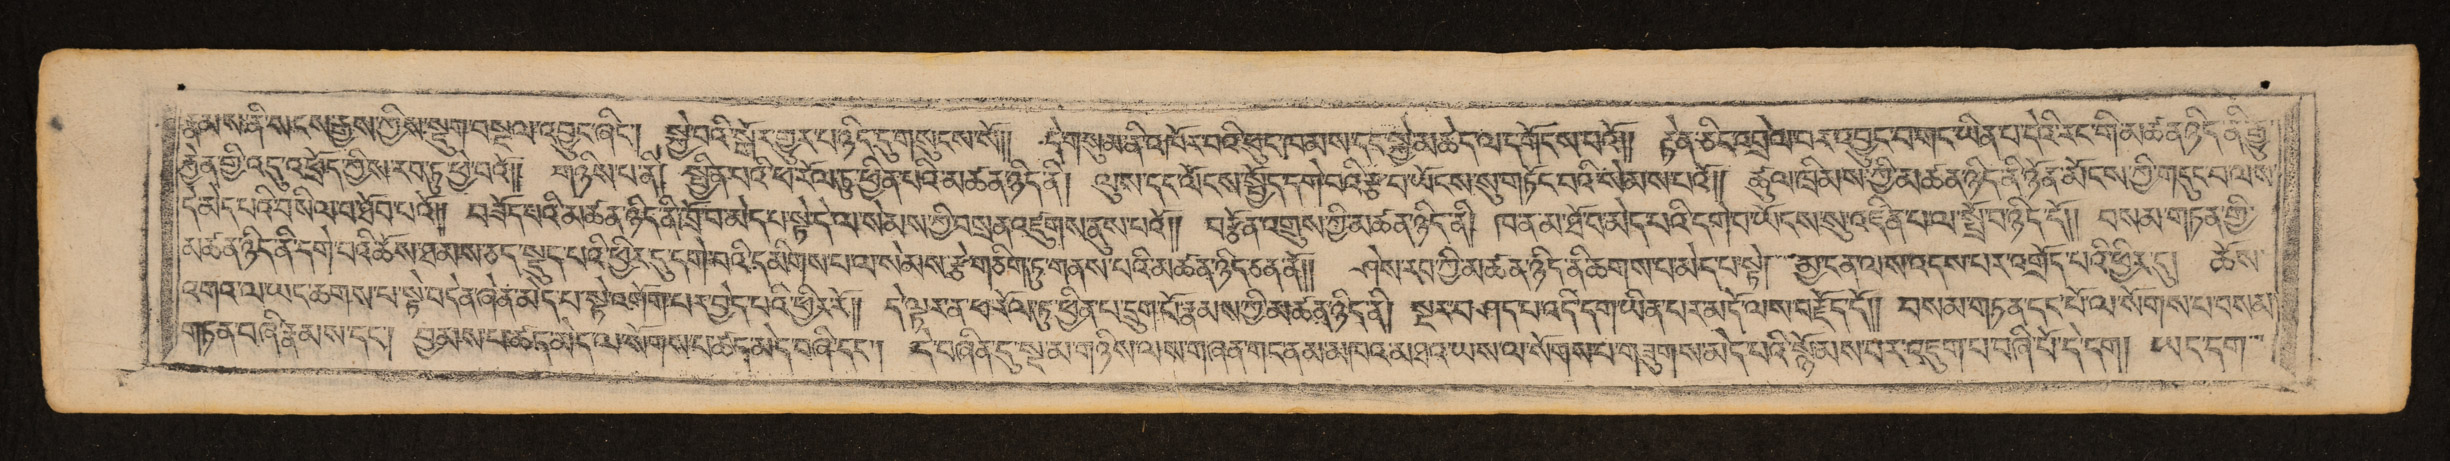རྣམས་ནི་སངས་རྒྱས་ཀྱིས་སྡུག་བསྔལ་འབྱུང་ཞིང་། སྐྱེ་བའི་སྒོར་གྱུར་པ་ཉིད་དུ་གསུངས་སོ།། དེ་གསུམ་ནི་འཁོར་བའི་ཕུང་ཁམས་དང་སྐྱེ་མཆེད་ལ་དགོངས་པའོ།། རྟེན་ཅིང་འབྲེལ་བར་འབྱུང་བ་གང་ཡིན་པ་དེའི་རང་གི་མཚན་ཉིད་ནི་རྒྱུ་
རྐྱེན་གྱི་འདུ་འཕྲོད་ཀྱིས་རབ་ཏུ་ཕྱེ་བའོ།། གཉིས་པ་ནི། སྦྱིན་པའི་ཕ་རོལ་ཏུ་ཕྱིན་པའི་མཚན་ཉིད་ནི། ལུས་དང་ལོངས་སྤྱོད་དགེ་བའི་རྩ་བ་ཡོངས་སུ་གཏོང་བའི་སེམས་པའོ།། ཚུལ་ཁྲིམས་ཀྱི་མཚན་ཉིད་ནི་ཉོན་མོངས་ཀྱི་གདུང་བ་ལས་
དེ་མེད་པའི་བསིལ་བ་ཐོབ་པའོ།། བཟོད་པའི་མཚན་ཉིད་ནི་ཁྲོ་བ་མེད་པ་སྟེ་དེ་ལ་སེམས་ཀྱི་བསྲན་འཛུགས་ནུས་པའོ།། བརྩོན་འགྲུས་ཀྱི་མཚན་ཉིད་ནི། ཁ་ན་མ་ཐོ་བ་མེད་པའི་དགེ་བ་ཡོངས་སུ་འཛིན་པ་ལ་སྤྲོ་བ་ཉིད་དོ།། བསམ་གཏན་གྱི་
མཚན་ཉིད་ནི་དགེ་བའི་ཆོས་ཐམས་ཅད་སྡུད་པའི་ཕྱིར་དུ་དགེ་བའི་དམིགས་པ་ལ་སེམས་རྩེ་གཅིག་ཏུ་གནས་པའི་མཚན་ཉིད་ཅན་ནོ།། ཤེས་རབ་ཀྱི་མཚན་ཉིད་ནི་ཆགས་པ་མེད་པ་སྟེ། མྱ་ངན་ལས་འདས་པར་བགྲོད་པའི་ཕྱིར་དུ། ཆོས་
འགའ་ལ་ཡང་ཆགས་པ་སྟེ་བདེན་ཞེན་མེད་པ་སྟེ་འགོག་པར་བྱེད་པའི་ཕྱིར་རོ།། དེ་ལྟར་ན་ཕ་རོལ་ཏུ་ཕྱིན་པ་དྲུག་པོ་རྣམས་ཀྱི་མཚན་ཉིད་ནི། སྔར་བཤད་པ་འདི་དག་ཡིན་པར་མདོ་ལས་བརྗོད་དོ།། བསམ་གཏན་དང་པོ་ལ་སོགས་པ་བསམ་
གཏན་བཞི་རྣམས་དང་། བྱམས་པ་ཚད་མེད་ལ་སོགས་པ་ཚད་མེད་བཞི་དང་། དེ་བཞིན་དུ་སྔ་མ་གཉིས་ལས་གཞན་གང་ནམ་མཁའ་མཐའ་ཡས་ལ་སོགས་པ་གཟུགས་མེད་པའི་སྙོམས་པར་འཇུག་པ་བཞི་པོ་དེ་དག། ཡང་དག་